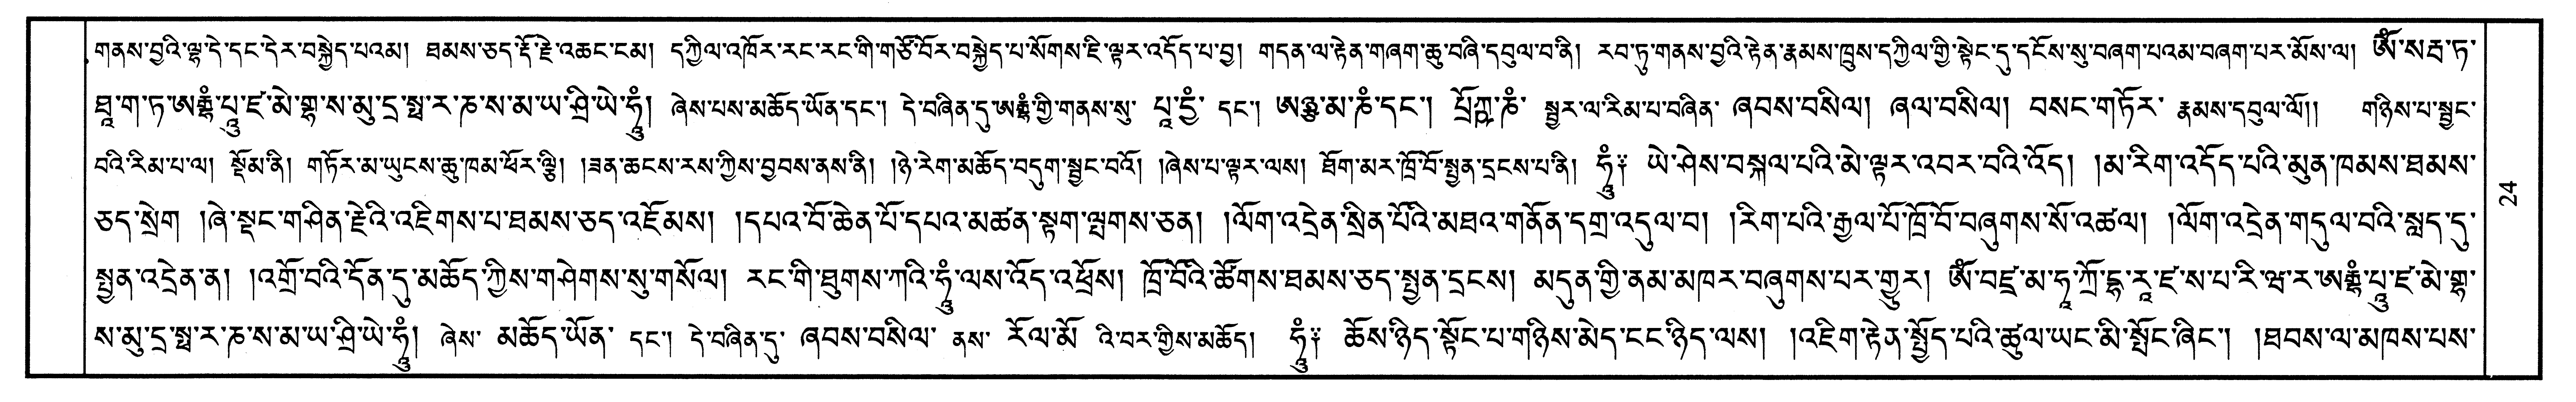གནས་བྱའི་ལྷ་དེ་དང་དེར་བསྐྱེད་པའམ། ཐམས་ཅད་རྡོ་རྗེ་འཆང་ངམ། དཀྱིལ་འཁོར་རང་རང་གི་གཙོ་བོར་བསྐྱེད་པ་སོགས་ཇི་ལྟར་འདོད་པ་བྱ། གདན་ལ་རྟེན་གཞག་ཆུ་བཞི་དབུལ་བ་ནི། རབ་ཏུ་གནས་བྱའི་རྟེན་རྣམས་ཁྲུས་དཀྱིལ་གྱི་སྟེང་དུ་དངོས་སུ་བཞག་པའམ་བཞག་པར་མོས་ལ། ཨོཾ་སརྦ་ཏ་
ཐཱ་ག་ཏ་ཨརྒྷཾ་པཱུ་ཛ་མེ་གྷ་ས་མུ་དྲ་སྥ་ར་ཎ་ས་མ་ཡ་ཤྲི་ཡེ་ཧཱུཾ། ཞེས་པས་མཆོད་ཡོན་དང་། དེ་བཞིན་དུ་ཨརྒྷཾ་གྱི་གནས་སུ་པཱ་དྱཾ་དང་། ཨཉྩ་མ་ཎཾ་དང་། པྲོཀྵ་ཎཾ་སྦྱར་ལ་རིམ་པ་བཞིན་ཞབས་བསིལ། ཞལ་བསིལ། བསང་གཏོར་རྣམས་དབུལ་ལོ།། གཉིས་པ་སྦྱང་
བའི་རིམ་པ་ལ། སྡོམ་ནི། གཏོར་མ་ཡུངས་ཆུ་ཁམ་ཕོར་ལྕི། །ཟན་ཆངས་རས་ཀྱིས་བྱབས་ནས་ནི། །ཉེ་རེག་མཆོད་བདུག་སྦྱང་བའོ། །ཞེས་པ་ལྟར་ལས། ཐོག་མར་ཁྲོ་བོ་སྤྱན་དྲངས་པ་ནི། ཧཱུཾ༑ ཡེ་ཤེས་བསྐལ་པའི་མེ་ལྟར་འབར་བའི་འོད། །མ་རིག་འདོད་པའི་མུན་ཁམས་ཐམས་
ཅད་སྲེག །ཞེ་སྡང་གཤིན་རྗེའི་འཇིགས་པ་ཐམས་ཅད་འཇོམས། །དཔའ་བོ་ཆེན་པོ་དཔའ་མཚན་སྟག་ལྤགས་ཅན། །ལོག་འདྲེན་སྲིན་པོའི་མཐའ་གནོན་དགྲ་འདུལ་བ། །རིག་པའི་རྒྱལ་པོ་ཁྲོ་བོ་བཞུགས་སོ་འཚལ། །ལོག་འདྲེན་གདུལ་བའི་སླད་དུ་
སྤྱན་འདྲེན་ན། །འགྲོ་བའི་དོན་དུ་མཆོད་ཀྱིས་གཤེགས་སུ་གསོལ། རང་གི་ཐུགས་ཀའི་ཧཱུཾ་ལས་འོད་འཕྲོས། ཁྲོ་བོའི་ཚོགས་ཐམས་ཅད་སྤྱན་དྲངས། མདུན་གྱི་ནམ་མཁར་བཞུགས་པར་གྱུར། ཨོཾ་བཛྲ་མ་ཧཱ་ཀྲོ་དྷ་རཱ་ཛ་ས་པ་རི་ཝ་ར་ཨརྒྷཾ་པཱུ་ཛ་མེ་གྷ་
ས་མུ་དྲ་སྥ་ར་ཎ་ས་མ་ཡ་ཤྲི་ཡེ་ཧཱུཾ། ཞེས་མཆོད་ཡོན་དང་། དེ་བཞིན་དུ་ཞབས་བསིལ་ནས་རོལ་མོའི་བར་གྱིས་མཆོད། ཧཱུཾ༑ ཆོས་ཉིད་སྟོང་པ་གཉིས་མེད་ངང་ཉིད་ལས། །འཇིག་རྟེན་སྤྱོད་པའི་ཚུལ་ཡང་མི་སྤོང་ཞིང་། །ཐབས་ལ་མཁས་པས་